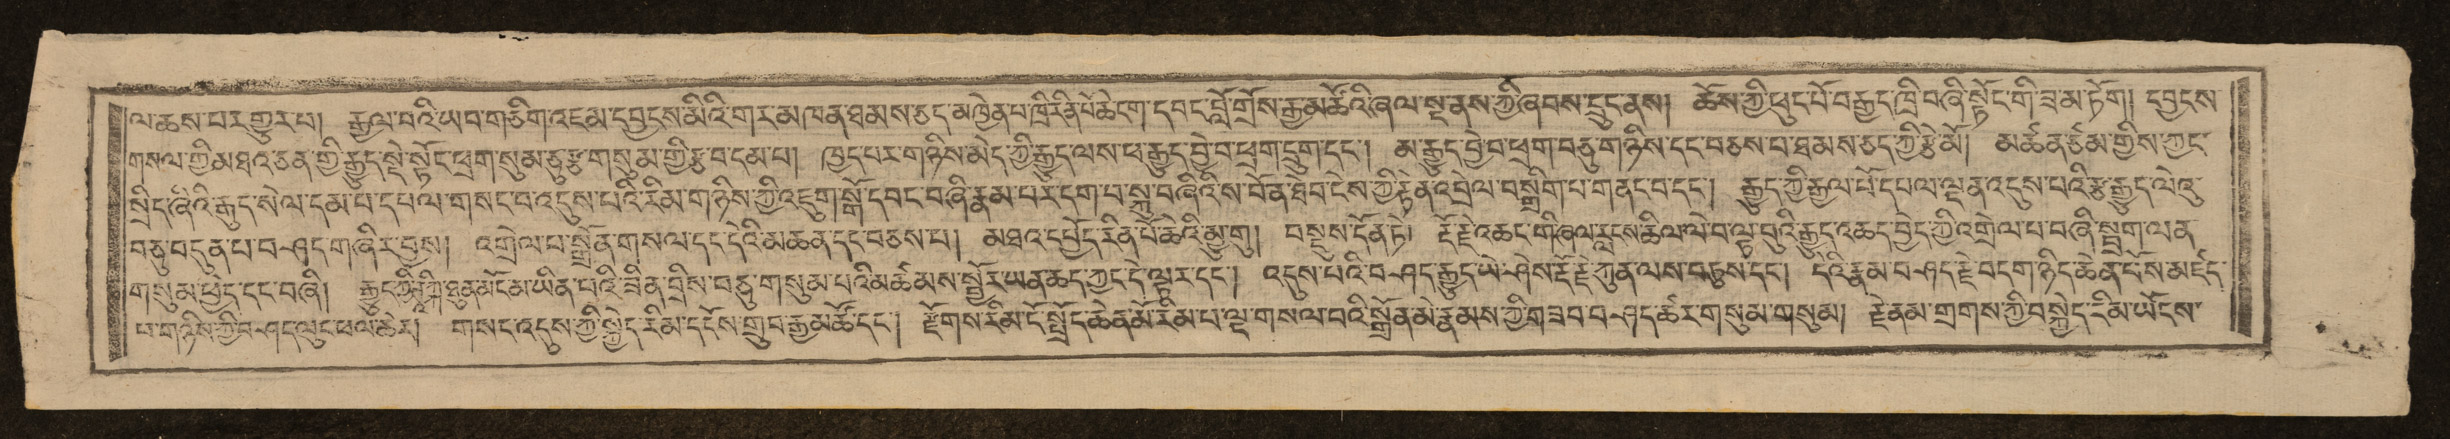ལ་ཆས་པར་གྱུར་པ། རྒྱལ་བའི་ཡབ་གཅིག་འཇམ་དབྱངས་མིའི་གར་མཁན་ཐམས་ཅད་མཁྱེན་པ་ཁྲི་རིན་པོ་ཆེ་ངག་དབང་བློ་གྲོས་རྒྱ་མཚོའི་ཞལ་སྔ་ནས་ཀྱི་ཞབས་དྲུང་ནས། ཆོས་ཀྱི་ཕུང་པོ་བརྒྱད་ཁྲི་བཞི་སྟོང་གི་ཟ་མ་ཏོག། དབྱངས་
གསལ་གྱི་མཐའ་ཅན་གྱི་རྒྱུད་སྡེ་སྟོང་ཕྲག་སུམ་ཅུ་རྩ་གསུམ་གྱི་རྩ་བ་དམ་པ། ཁྱད་པར་གཉིས་མད་ཀྱི་རྒྱུད་ལས་ཕ་རྒྱུད་བྱེ་བ་ཕྲག་དྲུག་དང་། མ་རྒྱུད་བྱེ་བ་ཕྲག་བཅུ་གཉིས་དང་བཅས་པ་ཐམས་ཅད་ཀྱི་རྩེ་མོ། མཚན་ཙམ་གྱིས་ཀྱང་
སྲིད་ཞིའི་རྒྱུད་སེལ་དམ་པ་དཔལ་གསང་བ་འདུས་པའི་རིམ་གཉིས་ཀྱི་འཇུག་སྒོ་དབང་བཞི་རྣམ་པར་དག་པ་སྐུ་བཞིའི་ས་བོན་ཐེབ་ངེས་ཀྱི་རྟེན་འབྲེལ་བསྒྲིག་པ་གནང་བ་དང་། རྒྱུད་ཀྱི་རྒྱལ་པོ་དཔལ་ལྡན་འདུས་པའི་རྩ་རྒྱུད་ལེའུ་
བཅུ་བདུན་པ་བཤད་གཞིར་བྱས། འགྲེལ་པ་སྒྲོན་གསལ་དང་དེའི་མཚན་དང་བཅས་པ། མཐའ་དཔྱོད་རིན་པོ་ཆེའི་མྱུ་གུ། བསྡུས་དོན་ཏེ། རྡོ་རྗེ་འཆང་གི་ཞལ་རླངས་ཆིལ་ལེ་བ་ལྟ་བུའི་རྒྱུད་འཆད་བྱེད་ཀྱི་འགྲེལ་པ་བཞི་སྦྲག་ལན་
གསུམ་ཕྱེད་དང་བཞི། རྒྱུད་?་ཊཱིཀྐ་ཐུན་མོང་མ་ཡིན་པའི་ཟིན་བྲིས་བཅུ་གསུམ་པའི་མཚམས་སྦྱོར་ཡན་ཆད་ཀྱང་དེ་ལྟར་དང་། འདུས་པའི་བཤད་རྒྱུད་ཡེ་ཤེས་རྡོ་རྗེ་ཀུན་ལས་བཏུས་དང་། དེའི་རྣམ་བཤད་རྗེ་བདག་ཉིད་ཆེན་པོས་མཛད་
པ་གཉིས་ཀྱི་བཤད་ལུང་ཕལ་ཆེར། གསང་འདུས་ཀྱི་སྐྱེད་རིམ་དངོས་གྲུབ་རྒྱ་མཚོ་དང་། རྫོགས་རིམ་ངོ་སྤྲོད་ཆེན་མོ་རིམ་པ་ལྔ་གསལ་བའི་སྒྲོན་མེ་རྣམས་ཀྱི་གཟབ་བཤད་ཚར་གསུམ་གསུམ། རྗེ་ནམ་གྲགས་ཀྱི་བསྐྱེད་དིམ་ཡོངས་